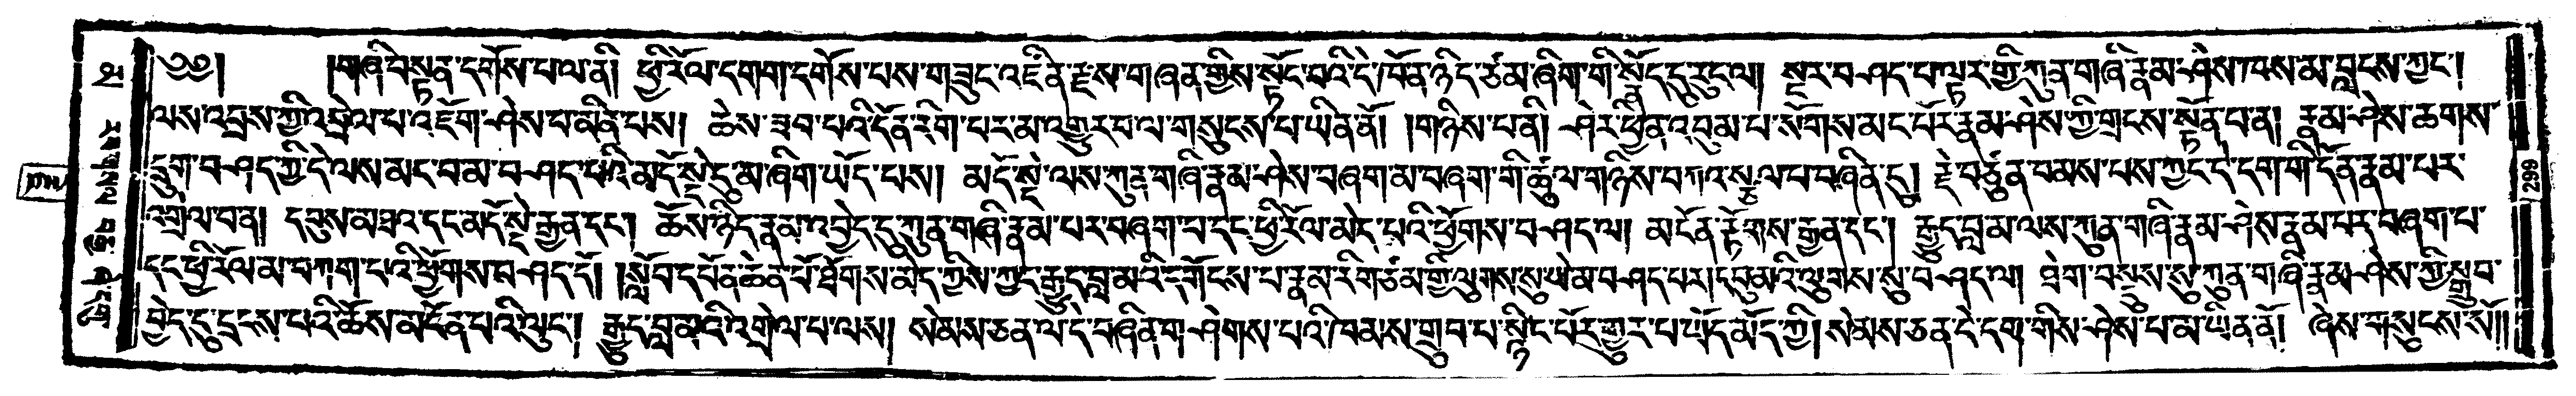༄༅། །གཞི་བསྟན་དགོས་པ་ལ་ནི། ཕྱི་རོལ་དགག་དགོས་པས་གཟུང་འཛིན་རྫས་གཞན་གྱིས་སྟོང་པའི་དེ་ཁོ་ན་ཉིད་ཙམ་ཞིག་གི་སྣོད་དུ་རུང་ལ། སྔར་བཤད་པ་ལྟར་གྱི་ཀུན་གཞི་རྣམ་ཤེས་ཁས་མ་བླངས་ཀྱང་།
ལས་འབྲས་ཀྱི་འབྲེལ་པ་འཇོག་ཤེས་པ་མིན་པས། ཆེས་ཟབ་པའི་དོན་རིག་པར་མི་འགྱུར་བ་ལ་གསུངས་པ་ཡིན་ནོ། །གཉིས་པ་ནི། ཤེར་ཕྱིན་འབུམ་པ་སོགས་མང་པོར་རྣམ་ཤེས་ཀྱི་གྲངས་སྟོན་པ་ན། རྣམ་ཤེས་ཚོགས་
དྲུག་བཤད་ཀྱི་དེ་ལས་མང་བ་མ་བཤད་པའི་མདོ་སྡེ་དུ་མ་ཞིག་ཡོད་པས། མདོ་སྡེ་ལས་ཀུན་གཞི་རྣམ་ཤེས་བཞག་མ་བཞག་གི་ཚུལ་གཉིས་བཀའ་སྩལ་པ་བཞིན་དུ། རྗེ་བཙུན་བྱམས་པས་ཀྱང་དེ་དག་གི་དོན་རྣམ་པར་
འགྲེལ་བ་ན། དབུས་མཐའ་དང་མདོ་སྡེ་རྒྱན་དང་། ཆོས་ཉིད་རྣམ་འབྱེད་དུ་ཀུན་གཞི་རྣམ་པར་བཞག་པ་དང་ཕྱི་རོལ་མེད་པའི་ཕྱོགས་བཤད་ལ། མངོན་རྟོགས་རྒྱན་དང་། རྒྱུད་བླ་མ་ལས་ཀུན་གཞི་རྣམ་ཤེས་རྣམ་པར་མ་བཞག་པ་
དང་ཕྱི་རོལ་མ་བཀག་པའི་ཕྱོགས་བཤད་དོ། །སློབ་དཔོན་ཆེན་པོ་ཐོགས་མེད་ཀྱིས་ཀྱང་རྒྱུད་བླ་མའི་དགོངས་པ་རྣམ་རིག་ཙམ་གྱི་ལུགས་སུ་ཡེ་མ་བཤད་པར། དབུ་མའི་ལུགས་སུ་བཤད་ལ། ཐེག་བསྡུས་སུ་ཀུན་གཞི་རྣམ་ཤེས་ཀྱི་སྒྲུབ་
བྱེད་དུ་དྲངས་པའི་ཆོས་མངོན་པའི་ལུང་། རྒྱུད་བླ་མའི་འགྲེལ་པ་ལས། སེམས་ཅན་ལ་དེ་བཞིན་གཤེགས་པའི་ཁམས་གྲུབ་པ་སྙིང་པོར་གྱུར་པ་ཡོད་མོད་ཀྱི། སེམས་ཅན་དེ་དག་གིས་ཤེས་པ་མ་ཡིན་ནོ། ཞེས་གསུངས་སོ།།